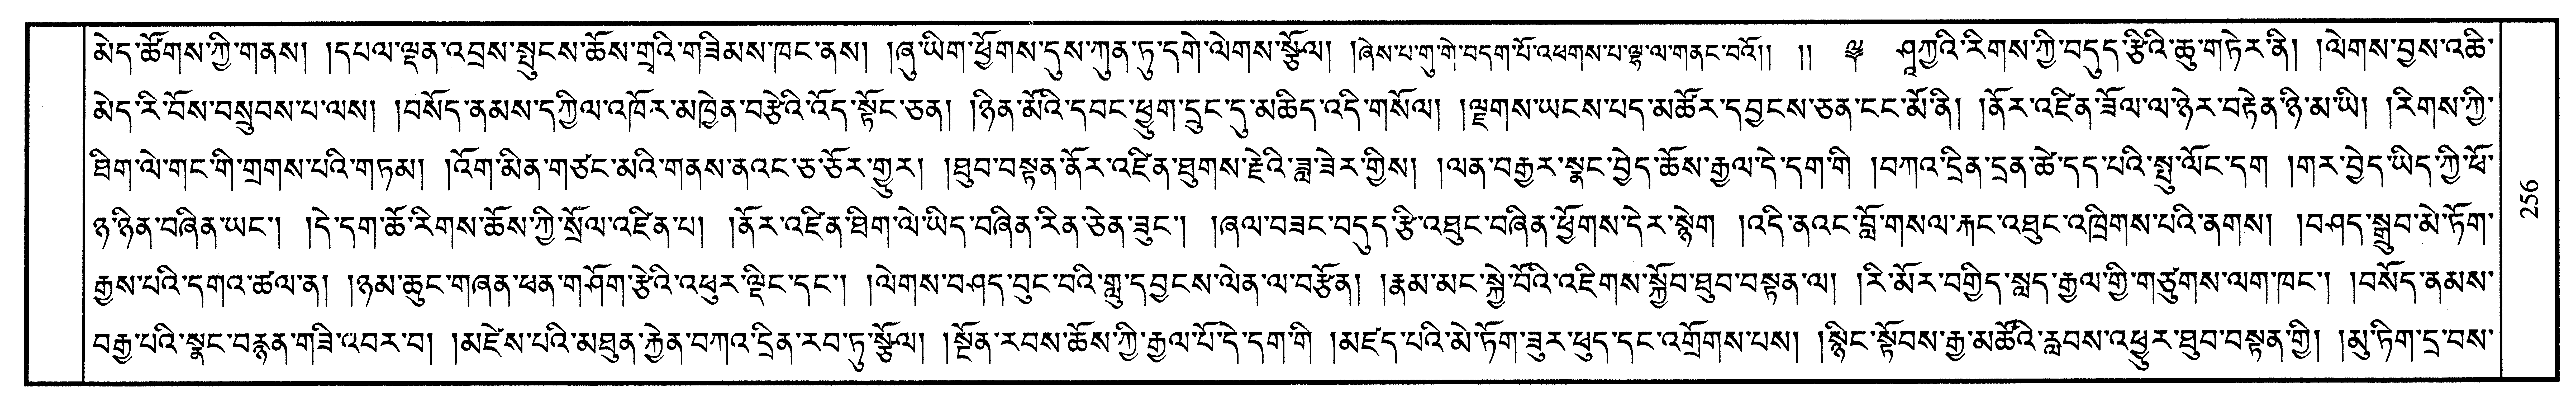མེད་ཚོགས་ཀྱི་གནས། །དཔལ་ལྡན་འབྲས་སྤུངས་ཆོས་གྲྭའི་གཟིམས་ཁང་ནས། །ཞུ་ཡིག་ཕྱོགས་དུས་ཀུན་ཏུ་དགེ་ལེགས་སྩོལ། །ཞེས་པ་གུ་གེ་བདག་པོ་འཕགས་པ་ལྷ་ལ་གནང་བའོ།། །། ༈ ཤཱཀྱའི་རིགས་ཀྱི་བདུད་རྩིའི་ཆུ་གཏེར་ནི། །ལེགས་བྱས་འཆི་
མེད་རི་བོས་བསྲུབས་པ་ལས། །བསོད་ནམས་དཀྱིལ་འཁོར་མཁྱེན་བརྩེའི་འོད་སྟོང་ཅན། །ཉིན་མོའི་དབང་ཕྱུག་དྲུང་དུ་མཆིད་འདི་གསོལ། །ལྗགས་ཡངས་པད་མཚོར་དབྱངས་ཅན་ངང་མོ་ནི། །ནོར་འཛིན་ཟོལ་ལ་ཉེར་བརྟེན་ཉི་མ་ཡི། །རིགས་ཀྱི་
ཐིག་ལེ་གང་གི་གྲགས་པའི་གཏམ། །འོག་མིན་གཙང་མའི་གནས་ནའང་ཅ་ཅོར་གྱུར། །ཐུབ་བསྟན་ནོར་འཛིན་ཐུགས་རྗེའི་ཟླ་ཟེར་གྱིས། །ལན་བརྒྱར་སྣང་བྱེད་ཆོས་རྒྱལ་དེ་དག་གི །བཀའ་དྲིན་དྲན་ཚེ་དད་པའི་སྤུ་ལོང་དག །གར་བྱེད་ཡིད་ཀྱི་ཕོ་
ཉ་ཉིན་བཞིན་ཡང་། །དེ་དག་ཆོ་རིགས་ཆོས་ཀྱི་སྲོལ་འཛིན་པ། །ནོར་འཛིན་ཐིག་ལེ་ཡིད་བཞིན་རིན་ཅེན་ཟུང་། །ཞལ་བཟང་བདུད་རྩི་འཐུང་བཞིན་ཕྱོགས་དེར་སྙེག །འདི་ནའང་བློ་གསལ་རྐང་འཐུང་འཁྲིགས་པའི་ནགས། །བཤད་སྒྲུབ་མེ་ཏོག་
རྒྱས་པའི་དགའ་ཚལ་ན། །ཉམ་ཆུང་གཞན་ཕན་གཤོག་རྩེའི་འཕུར་ལྡིང་དང་། །ལེགས་བཤད་བུང་བའི་གླུ་དབྱངས་ལེན་ལ་བརྩོན། །རྣམ་མང་སྐྱེ་བོའི་འཇིགས་སྐྱོབ་ཐུབ་བསྟན་ལ། །རི་མོར་བགྱིད་སླད་རྒྱལ་གྱི་གཙུགས་ལག་ཁང་། །བསོད་ནམས་
བརྒྱ་པའི་སྣང་བརྙན་གཟི་འབར་བ། །མཛེས་པའི་མཐུན་རྐྱེན་བཀའ་དྲིན་རབ་ཏུ་སྩོལ། །སྔོན་རབས་ཆོས་ཀྱི་རྒྱལ་པོ་དེ་དག་གི །མཛད་པའི་མེ་ཏོག་ཟུར་ཕུད་དང་འགྲོགས་པས། །སྙིང་སྟོབས་རྒྱ་མཚོའི་རླབས་འཕྱུར་ཐུབ་བསྟན་གྱི། །མུ་ཏིག་དྲ་བས་